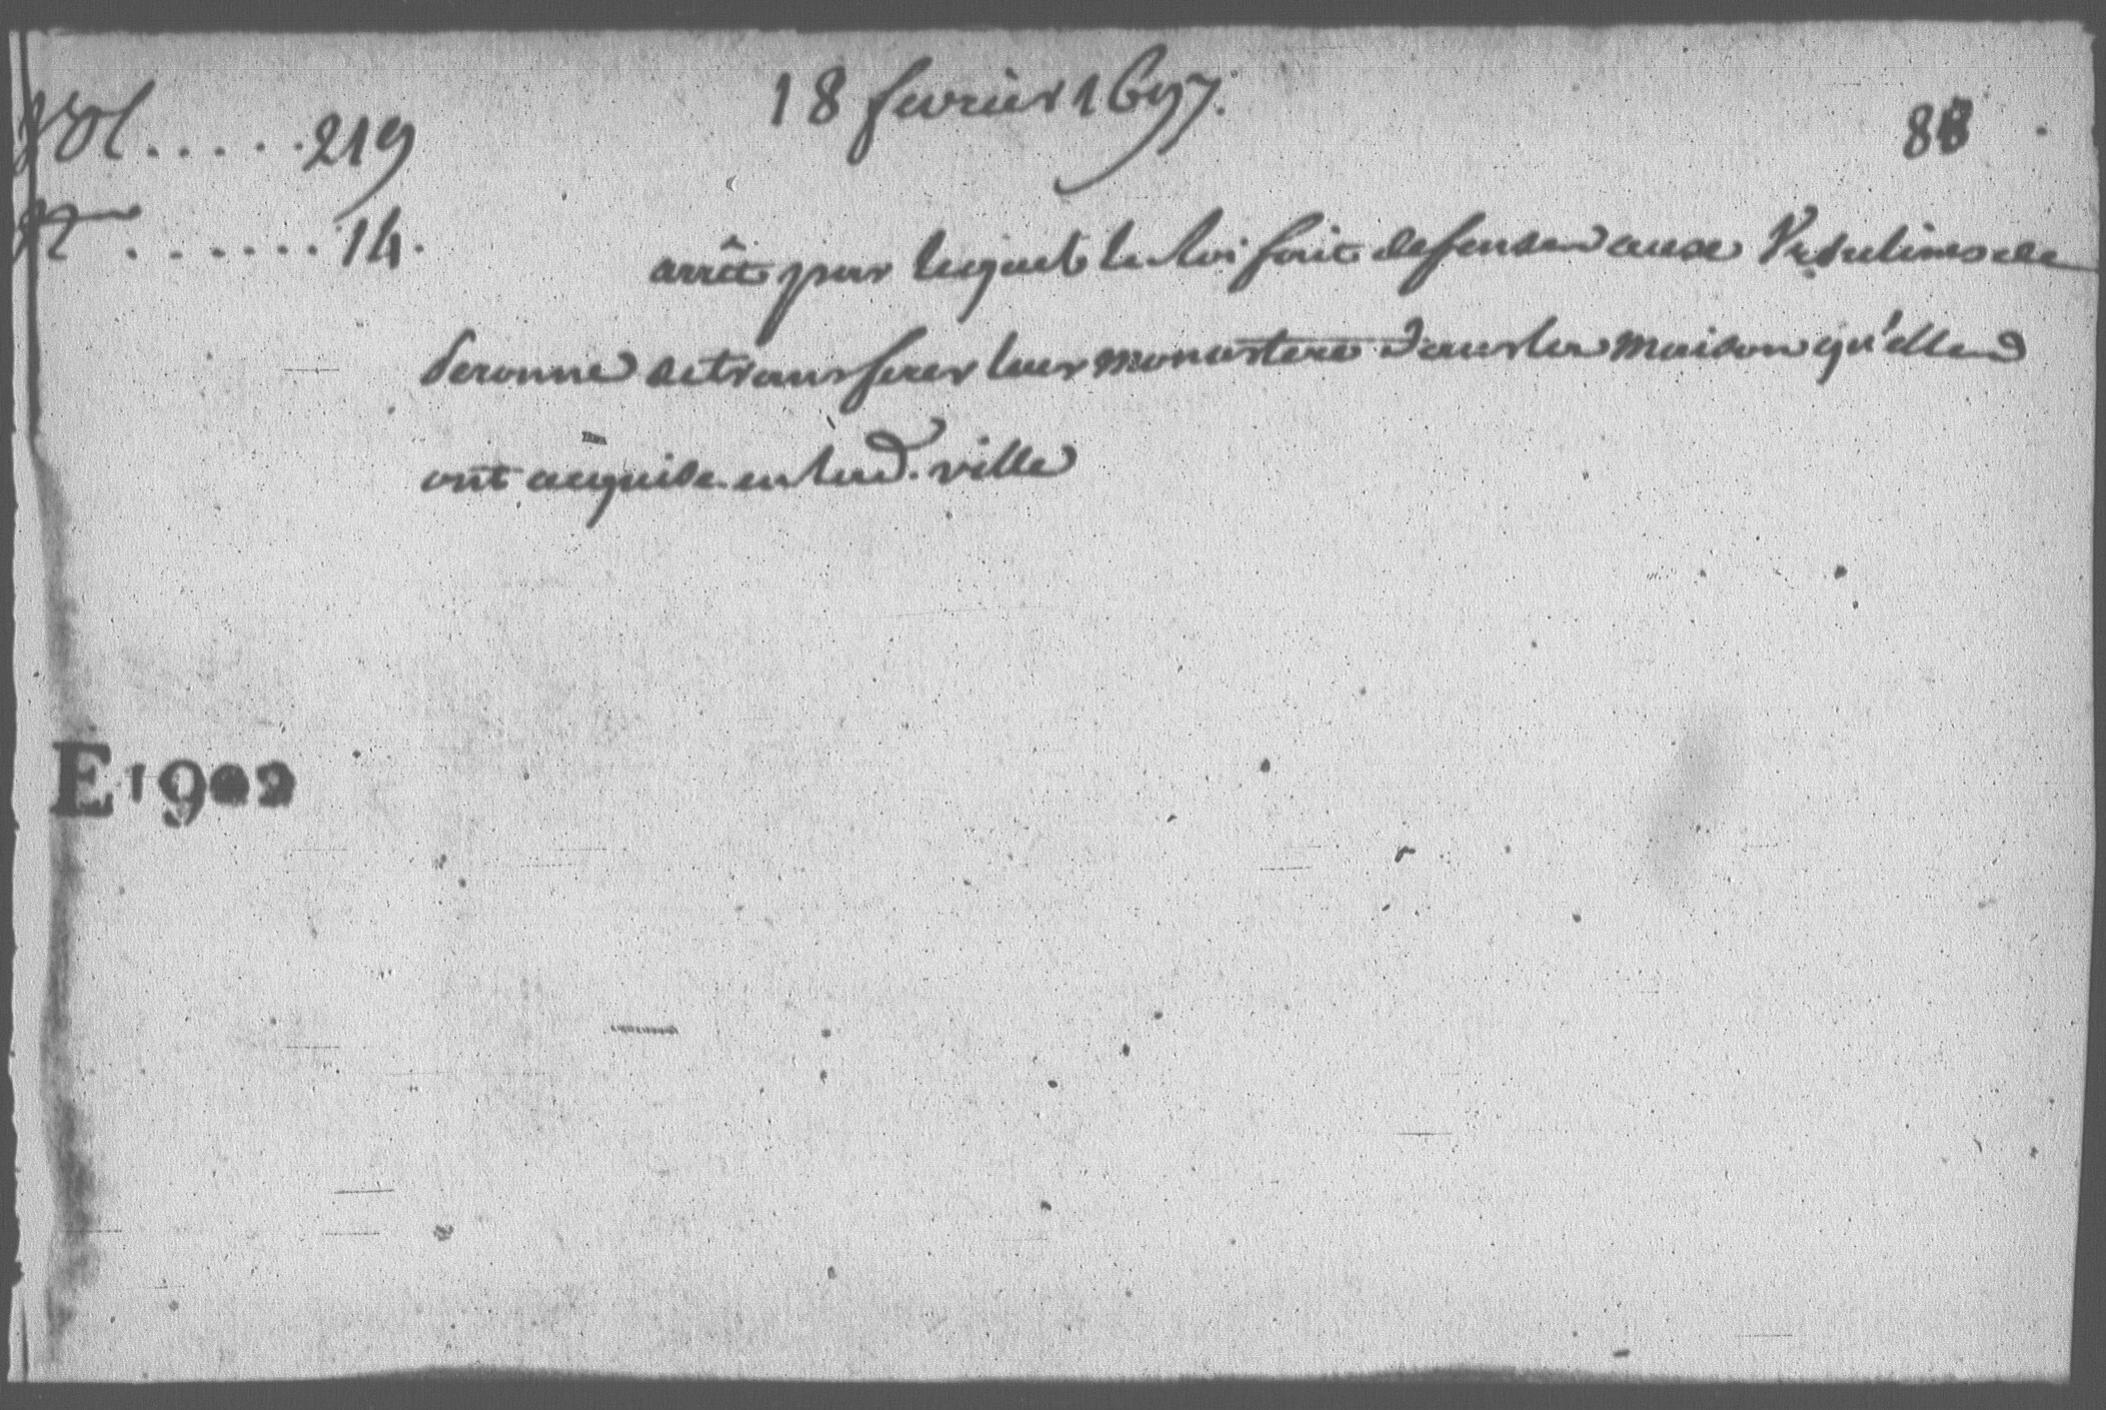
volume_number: n°14
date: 18 février 1697
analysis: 88
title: arrêt par lequel le Roi fait defenses aux Ursulines de Peronne de transferer leur monastere dans la maison qu'elles ont acquise en lad. ville
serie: E
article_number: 1902
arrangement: vol. 219
